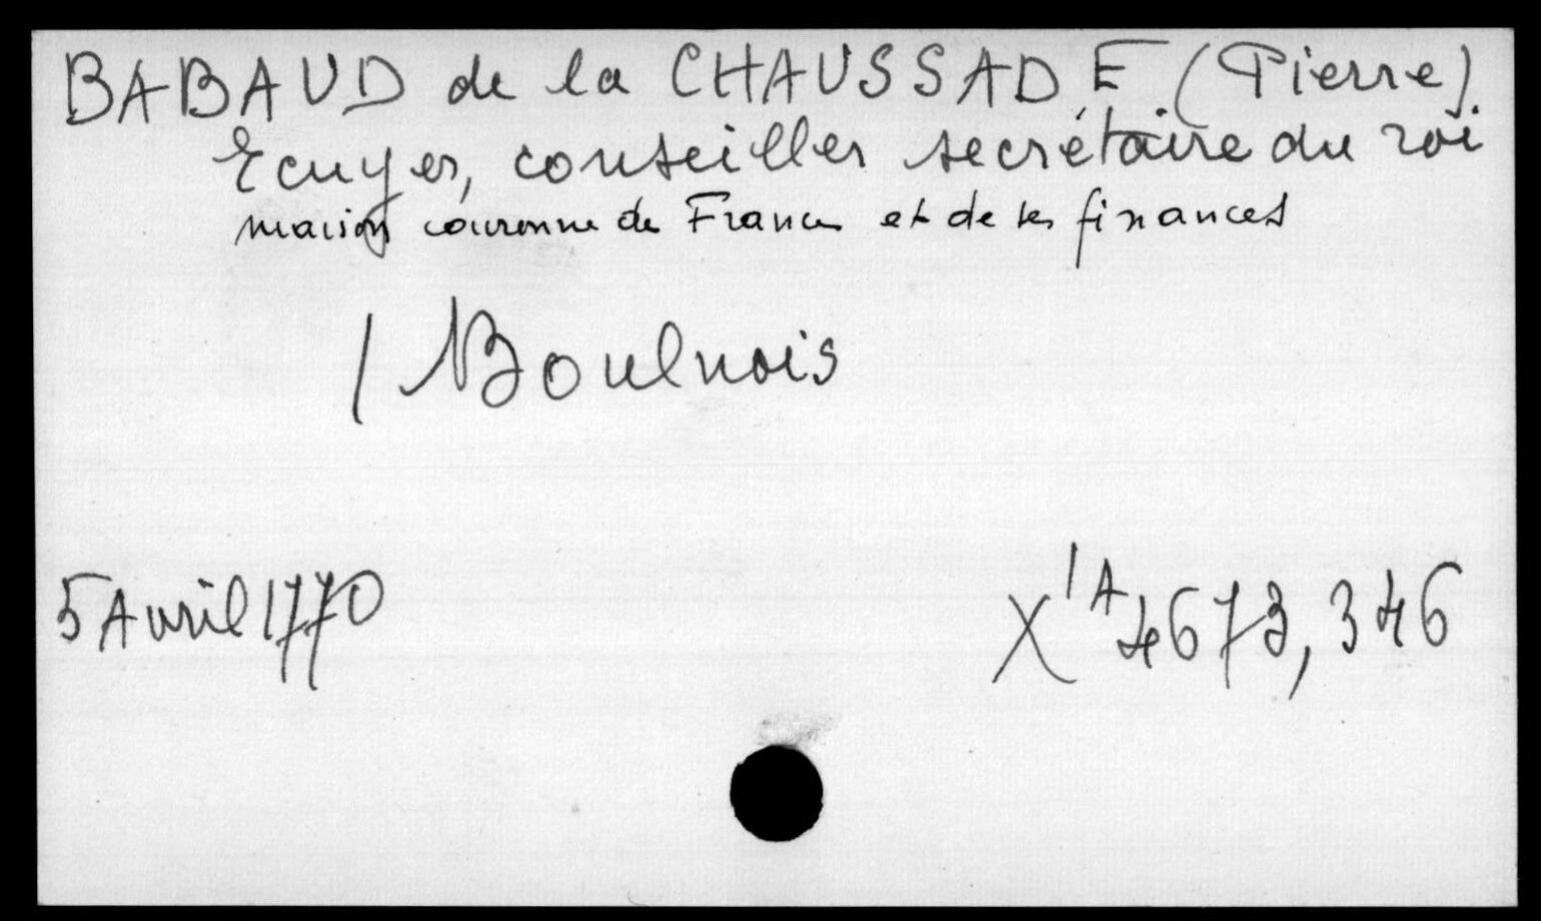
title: BABAUD de la CHAUSSADE (Pierre) Ecuyer, conseiller secrétaire du roi, maison couronne de France et de ses finances
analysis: Contre Boulnois
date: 5 avril 1770
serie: X1A
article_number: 4673
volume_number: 346
